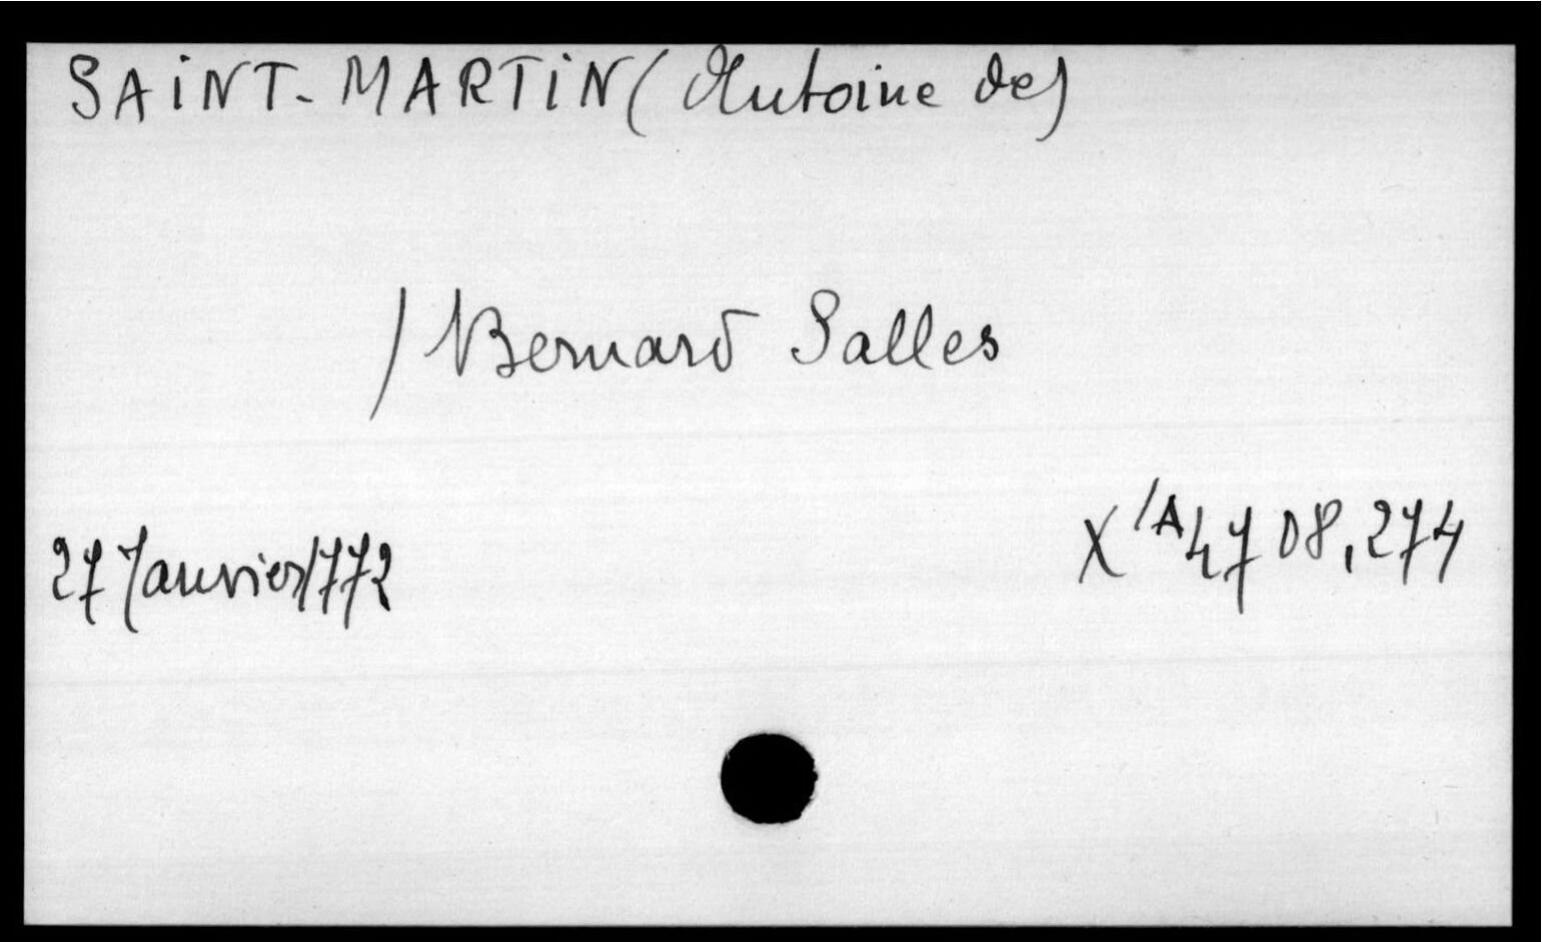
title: AAINT-MARTIN (Antoine de)
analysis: Contre Bernard Salles
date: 27 janvier 1772
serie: X1A
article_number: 4708
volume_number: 274
